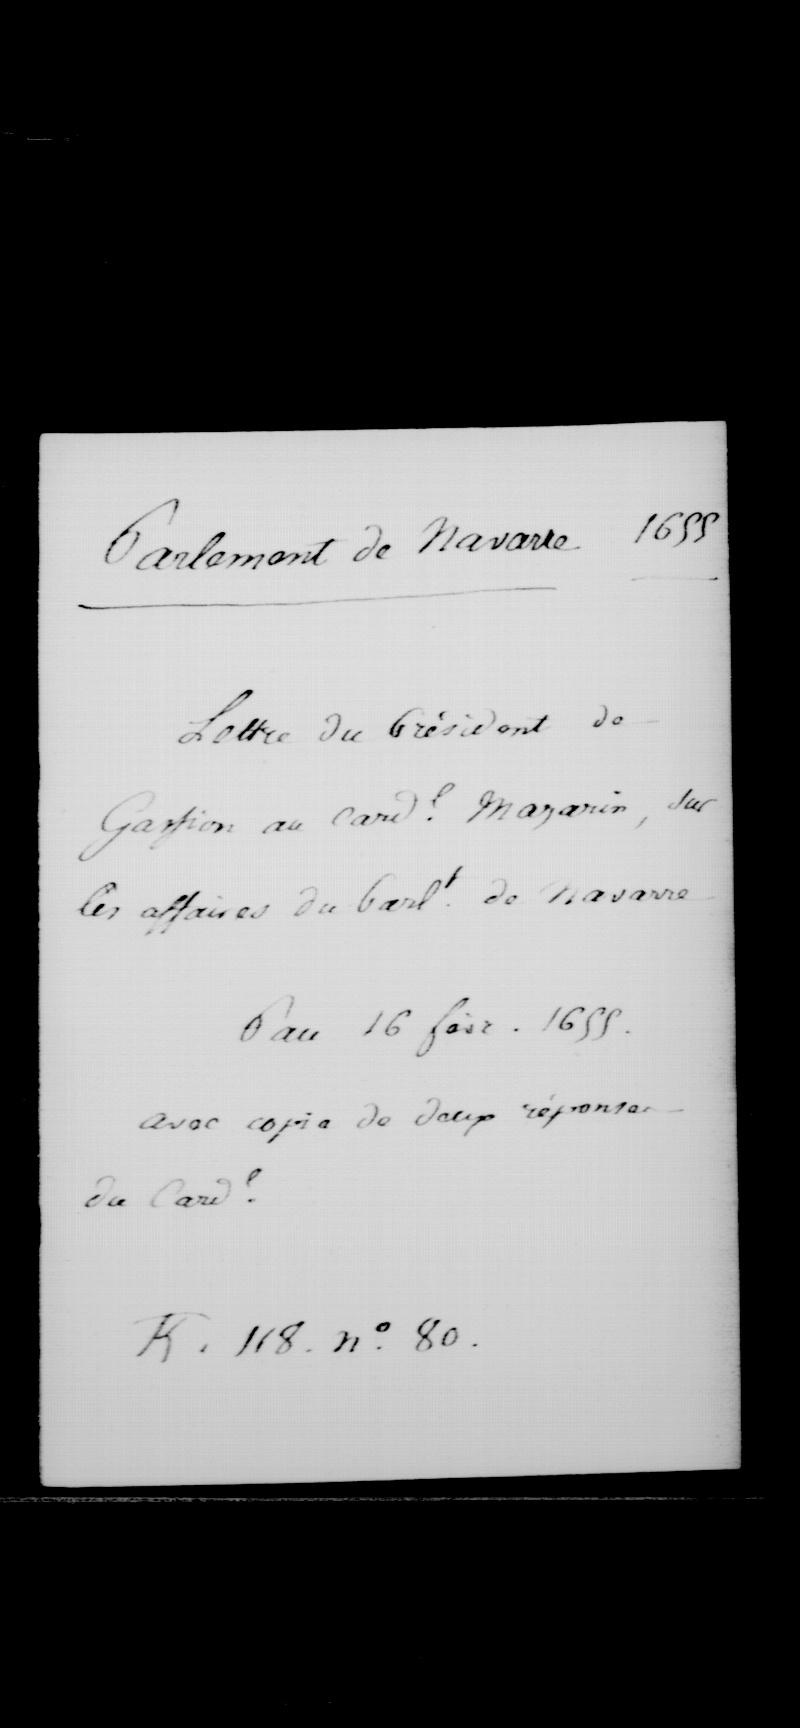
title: Parlement de Navarre
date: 1655
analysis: Lettre du Président de Gasfion au cardinal Mazarin, sur les affaires du Parlement de Navarre Pau 16 février 1655 avec copie de deux réponses du cardinal
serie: K
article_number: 118
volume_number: n° 80
